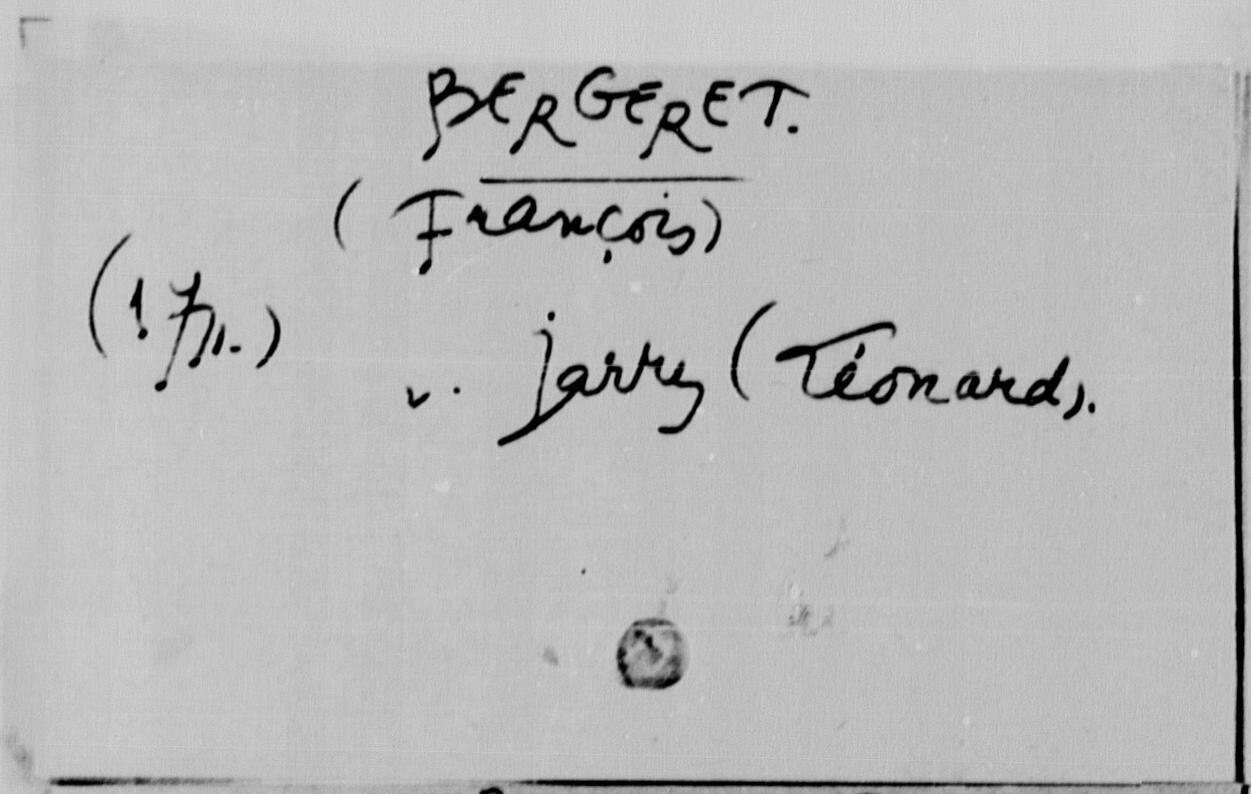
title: BERGERET (François)
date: (1711)
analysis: Voir : JARRY (Léonard)
